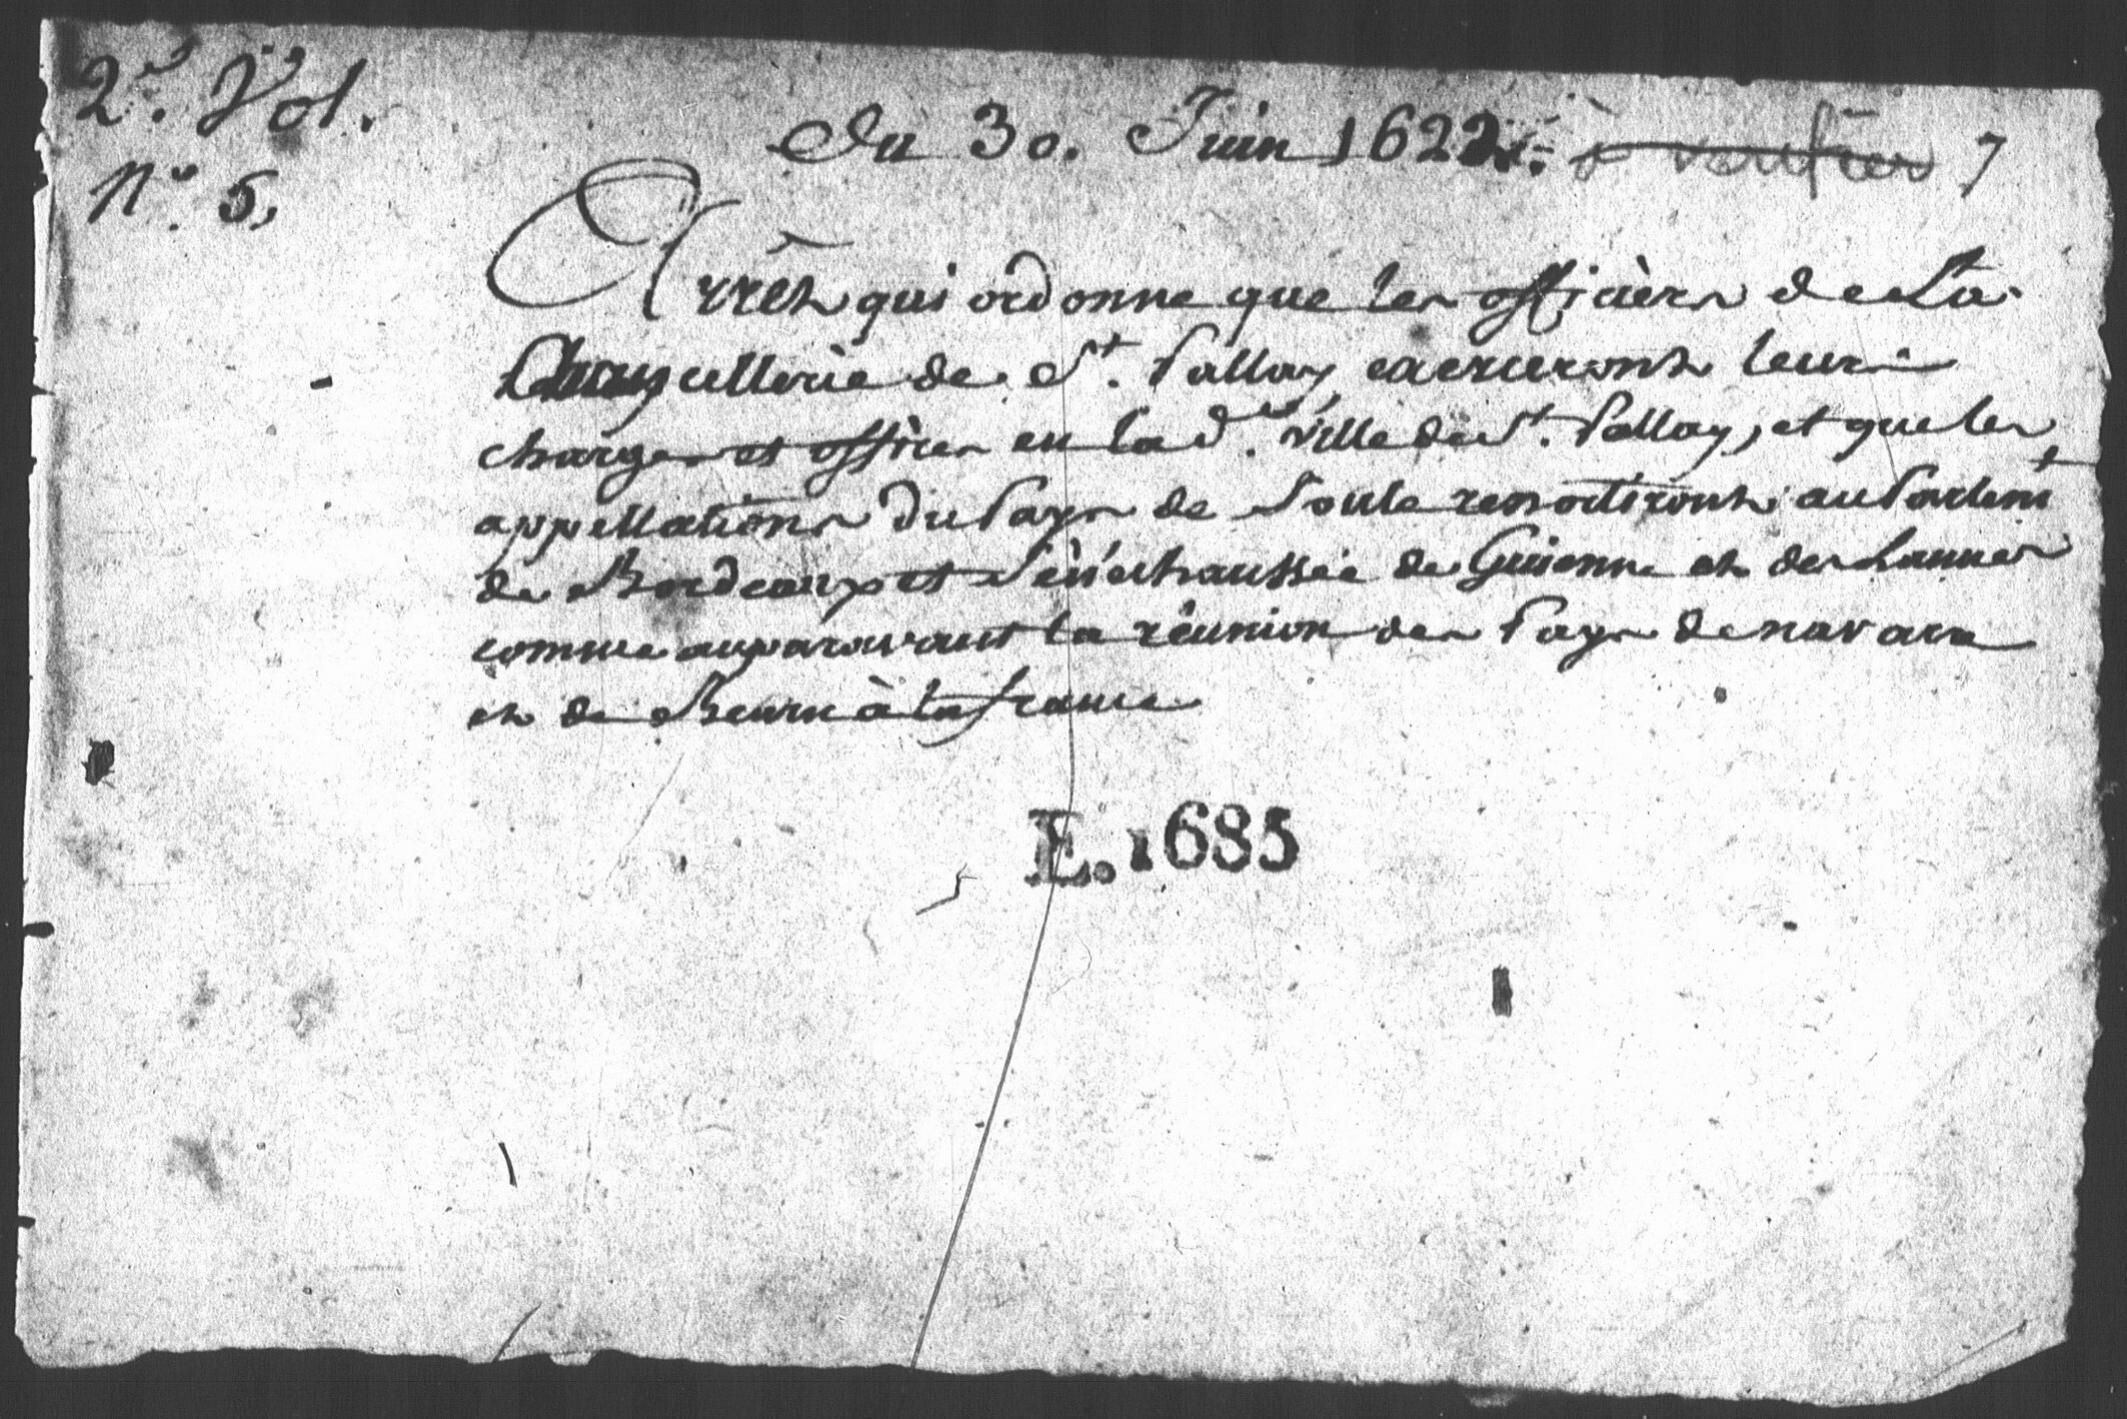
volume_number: n°5
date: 30 juin 1622
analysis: [à vérifier, barré] 7
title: Arrêt qui ordonne que les officiers de la chancellerie de St. Pallais exerceront leurs charges et offices en lade. ville de St. Pallay et que les appellations du Pays de soule ressortiront au Parlemt de Bordeaux et sénéchaussée de Guienne et des Lannes comme auparavant la réunion des pays de Navarre et de Bearn à la France.
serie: E
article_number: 1685
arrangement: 2e. vol.
